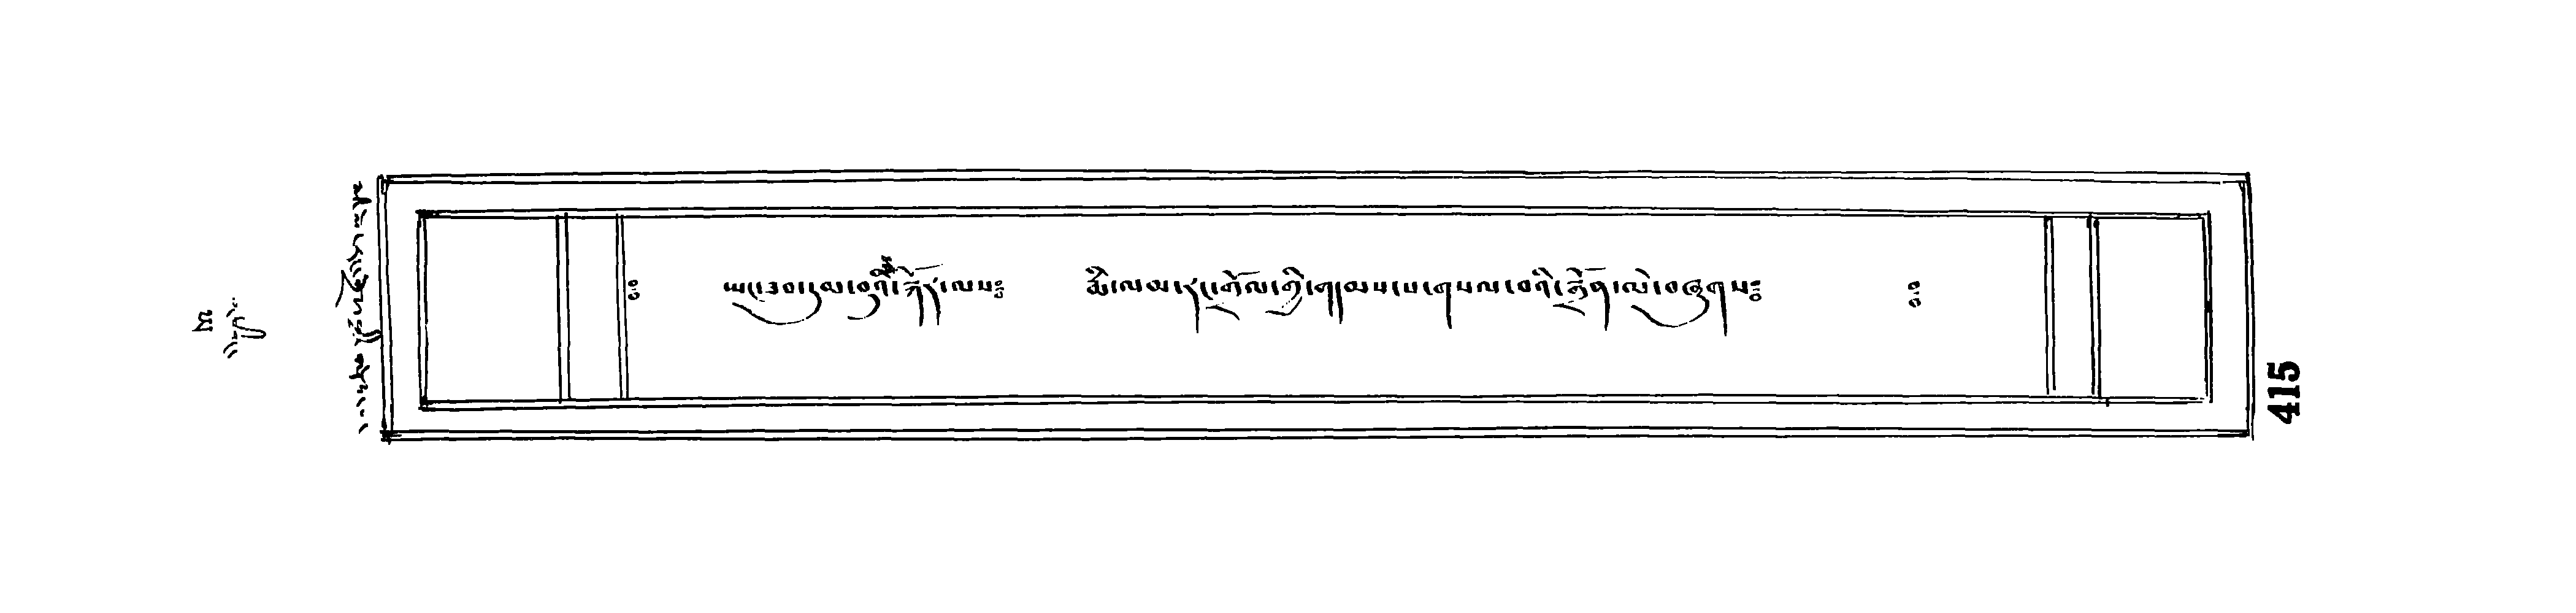ཡང་ཟབ་དུམ་བུའི་སྐོར་ལས། རྨི་ལམ་རང་གྲོལ་གདམས་པ་གསལ་བའི་སྒྲོན་མེ་བཞུགས།